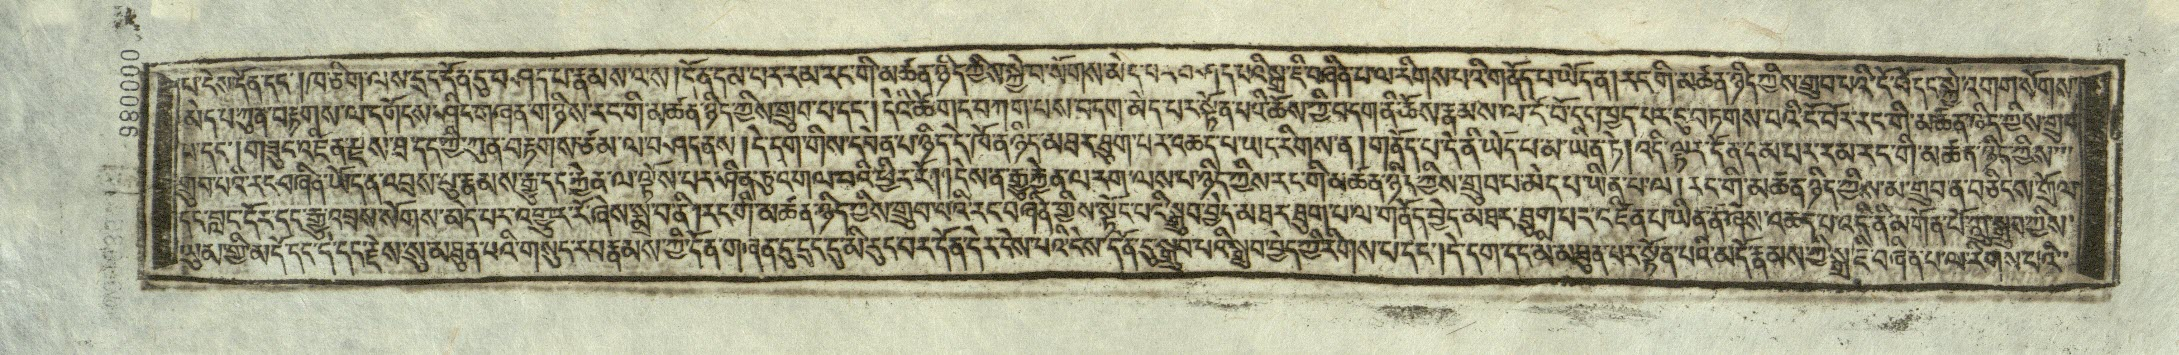པ་ངེས་དོན་དང་། ཁ་ཅིག་ལས་དྲང་དོན་དུ་བཤད་པ་རྣམས་ལས། དོན་དམ་པར་རམ་རང་གི་མཚན་ཉིད་ཀྱིས་སྐྱེ་བ་སོགས་མེད་པར་བཤད་པའི་སྒྲ་ཇི་བཞིན་པ་ལ་རིགས་པའི་གནོད་པ་ཡོད་ན། རང་གི་མཚན་ཉིད་ཀྱིས་གྲུབ་པའི་ངོ་བོ་དང་སྐྱེ་འགག་སོགས་
མེད་པ་ཀུན་བརྟགས་ལ་དགོངས་ཤིང་གཞན་གཉིས་རང་གི་མཚན་ཉིད་ཀྱིས་གྲུབ་པ་དང་། དེའི་ཚེ་གང་བཀག་པས་བདག་མེད་པར་སྟོན་པའི་ཆོས་ཀྱི་བདག་ནི་ཆོས་རྣམས་ལ་ངོ་བོ་དང་ཁྱད་པར་དུ་བཏགས་པའི་ངོ་བོར་རང་གི་མཚན་ཉིད་ཀྱིས་གྲུབ་
པ་དང་། གཟུང་འཛིན་རྫས་ཐ་དད་ཀྱི་ཀུན་བརྟགས་ཙམ་ལ་བཤད་ནས། དེ་དག་གིས་དབེན་པ་ཉིད་དེ་ཁོ་ན་ཉིད་མཐར་ཐུག་པར་འཆད་པ་ཡང་རིགས་ན། གནོད་པ་དེ་ནི་ཡོད་པ་མ་ཡིན་ཏེ། འདི་ལྟར་དོན་དམ་པར་རམ་རང་གི་མཚན་ཉིད་ཀྱིས་
གྲུབ་པའི་རང་བཞིན་ཡོད་ན་འབྲས་བུ་རྣམས་རྒྱུ་དང་རྐྱེན་ལ་ལྟོས་པར་ཤིན་ཏུ་འགལ་བའི་ཕྱིར་རོ། །དེས་ན་རྒྱུ་རྐྱེན་ལ་རག་ལས་པ་ཉིད་ཀྱིས་རང་གི་མཚན་ཉིད་ཀྱིས་གྲུབ་པ་མེད་པ་ཡིན་པ་ལ། རང་གི་མཚན་ཉིད་ཀྱིས་མ་གྲུབ་ན་བཅིངས་གྲོལ་
དང་བླང་དོར་དང་རྒྱུ་འབྲས་སོགས་མེད་པར་འགྱུར་རོ་ཞེས་སྨྲ་བ་ནི། རང་གི་མཚན་ཉིད་ཀྱིས་གྲུབ་པའི་རང་བཞིན་གྱིས་སྟོང་པའི་སྒྲུབ་བྱེད་མཐར་ཐུག་པ་ལ་གནོད་བྱེད་མཐར་ཐུག་པར་འཛིན་པ་ཡིན་ནོ་ཞེས་འཆད་བ་འདི་ནི་མགོན་པོ་ཀླུ་སྒྲུབ་ཀྱིས་
ཡུམ་གྱི་མདོ་དང་དེ་དང་རྗེས་སུ་མཐུན་པའི་གསུང་རབ་རྣམས་ཀྱི་དོན་གཞན་དུ་དྲང་དུ་མི་རུང་བར་དོན་དེར་ངེས་པའི་ངེས་དོན་དུ་སྒྲུབ་པའི་སྒྲུབ་བྱེད་ཀྱི་རིགས་པ་དང་། དེ་དག་དང་མི་མཐུན་པར་སྟོན་པའི་མདོ་རྣམས་ཀྱི་སྒྲ་ཇི་བཞིན་པ་ལ་རིགས་པའི་